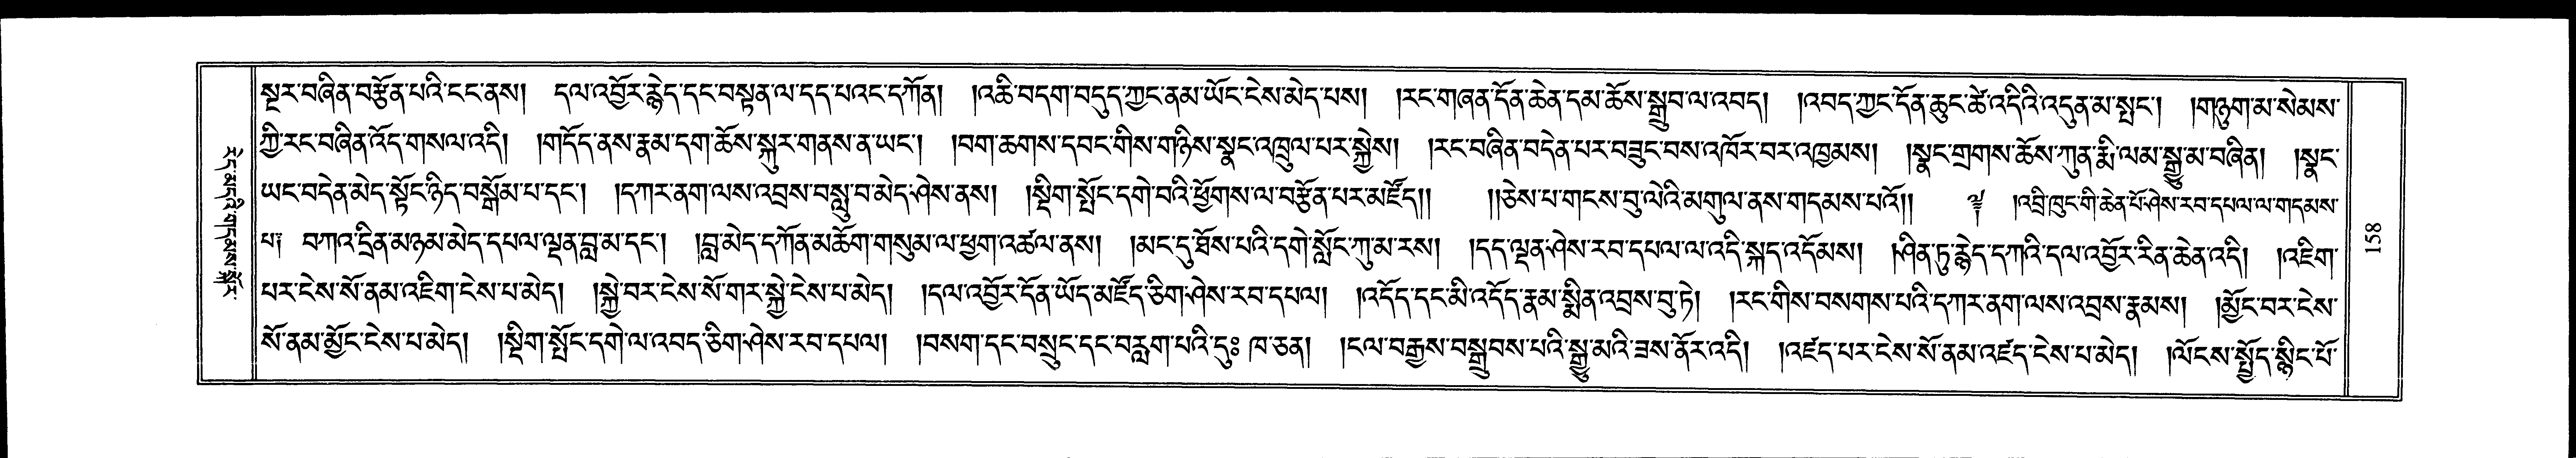སྔར་བཞིན་བརྩོན་པའི་ངང་ནས། དལ་འབྱོར་རྙེད་དང་བསྟན་ལ་དད་པའང་དཀོན། །འཆི་བདག་བདུད་ཀྱང་ནམ་ཡོང་ངེས་མེད་པས། །རང་གཞན་དོན་ཆེན་དམ་ཆོས་སྒྲུབ་ལ་འབད། །འབད་ཀྱང་དོན་ཆུང་ཚེ་འདིའི་འདུན་མ་སྤང་། །གཉུག་མ་སེམས་
ཀྱི་རང་བཞིན་འོད་གསལ་འདི། །གདོད་ནས་རྣམ་དག་ཆོས་སྐུར་གནས་ན་ཡང་། །བག་ཆགས་དབང་གིས་གཉིས་སྣང་འཁྲུལ་པར་སྐྱེས། །རང་བཞིན་བདེན་པར་བཟུང་བས་འཁོར་བར་འཁྱམས། །སྣང་གྲགས་ཆོས་ཀུན་རྨི་ལམ་སྒྱུ་མ་བཞིན། །སྣང་
ཡང་བདེན་མེད་སྟོང་ཉིད་བསྒོམ་པ་དང་། །དཀར་ནག་ལས་འབྲས་བསླུ་བ་མེད་ཤེས་ནས། །སྡིག་སྤོང་དགེ་བའི་ཕྱོགས་ལ་བརྩོན་པར་མཛོད།། །།ཅེས་པ་གངས་བུ་ལེའི་མགུལ་ནས་གདམས་པའོ།། ༈ །འབྲི་ཁུང་གི་ཆེན་པོ་ཤེས་རབ་དཔལ་ལ་གདམས་
པ། བཀའ་དྲིན་མཉམ་མེད་དཔལ་ལྡན་བླ་མ་དང་། །བླ་མེད་དཀོན་མཆོག་གསུམ་ལ་ཕྱག་འཚལ་ནས། །མང་དུ་ཐོས་པའི་དགེ་སློང་ཀུ་མ་རས། །དད་ལྡན་ཤེས་རབ་དཔལ་ལ་འདི་སྐད་འདོམས། །ཤིན་ཏུ་རྙེད་དཀའི་དལ་འབྱོར་རིན་ཆེན་འདི། །འཇིག་
པར་ངེས་སོ་ནམ་འཇིག་ངེས་པ་མེད། །སྐྱེ་བར་ངེས་སོ་གར་སྐྱེ་ངེས་པ་མེད། །དལ་འབྱོར་དོན་ཡོད་མཛོད་ཅིག་ཤེས་རབ་དཔལ། །འདོད་དང་མི་འདོད་རྣམ་སྨིན་འབྲས་བུ་ཏེ། །རང་གིས་བསགས་པའི་དཀར་ནག་ལས་འབྲས་རྣམས། །མྱོང་བར་ངེས་
སོ་ནམ་མྱོང་ངེས་པ་མེད། །སྡིག་སྤོང་དགེ་ལ་འབད་ཅིག་ཤེས་རབ་དཔལ། །བསག་དང་བསྲུང་དང་བརླག་པའི་དུཿ ཁ་ཅན། །ངལ་བརྒྱས་བསྒྲུབས་པའི་སྒྱུ་མའི་ཟས་ནོར་འདི། །འཛད་པར་ངེས་སོ་ནམ་འཛད་ངེས་པ་མེད། །ལོངས་སྤྱོད་སྙིང་པོ་